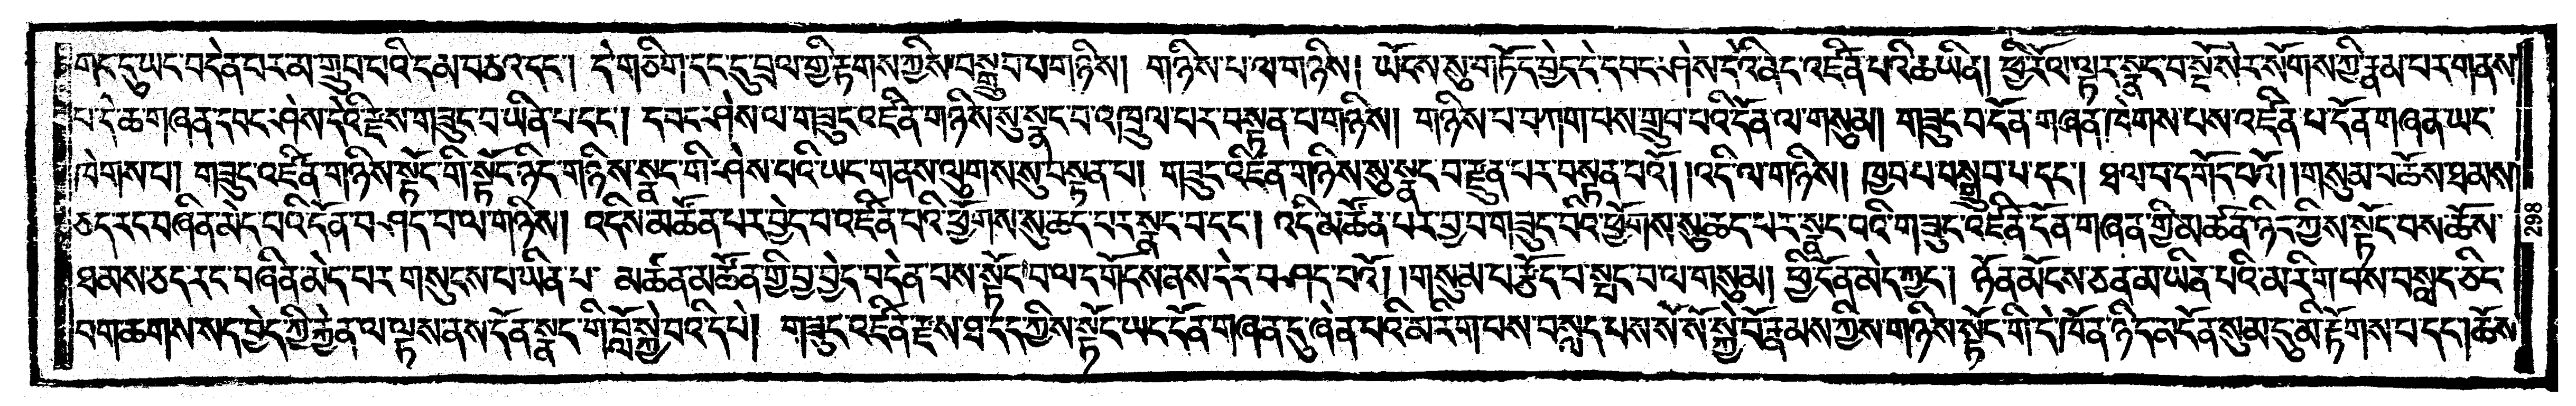གང་དུ་ཡང་བདེན་པར་མ་གྲུབ་པའི་དམ་བཅའ་དང་། དེ་གཅིག་དང་དུ་བྲལ་གྱི་རྟགས་ཀྱིས་བསྒྲུབ་པ་གཉིས། གཉིས་པ་ལ་གཉིས། ཡོངས་སུ་གཏོད་བྱེད་དེ་དབང་ཤེས་དེའི་ནང་འཛིན་པའི་ཆ་ཡིན། ཕྱི་རོལ་ལྟར་སྣང་བ་སྔོ་སེར་སོགས་ཀྱི་རྣམ་པར་གནས་
པ་དེ་ཆ་གཞན་དབང་ཤེས་དེའི་རྫས་གཟུང་བ་ཡིན་པ་དང་། དབང་ཤེས་ལ་གཟུང་འཛིན་གཉིས་སུ་སྣང་བ་འཁྲུལ་པར་བསྟན་པ་གཉིས། གཉིས་པ་བཀག་པས་གྲུབ་པའི་དོན་ལ་གསུམ། གཟུང་བ་དོན་གཞན་ཁེགས་པས་འཛིན་པ་དོན་གཞན་ཡང་
ཁེགས་པ། གཟུང་འཛིན་གཉིས་སྟོང་གི་སྟོང་ཉིད་གཉིས་སྣང་གི་ཤེས་པའི་ཡང་གནས་ལུགས་སུ་བསྟན་པ། གཟུང་འཛིན་གཉིས་སུ་སྣང་བ་རྫུན་པར་བསྟན་པའོ། །འདི་ལ་གཉིས། ཁྱབ་པ་བསྒྲུབ་པ་དང་། ཐལ་བ་དགོད་པའོ། །གསུམ་པ་ཆོས་ཐམས་
ཅད་རང་བཞིན་མེད་པའི་དོན་བཤད་པ་ལ་གཉིས། འདིས་མཚོན་པར་བྱེད་པ་འཛིན་པའི་ཕྱོགས་སུ་ཆད་པར་སྣང་བ་དང་། འདི་མཚོན་པར་བྱ་བ་གཟུང་བའི་ཕྱོགས་སུ་ཆད་པར་སྣང་བའི་གཟུང་འཛིན་དོན་གཞན་གྱི་མཚན་ཉིད་ཀྱིས་སྟོང་པས་ཆོས་
ཐམས་ཅད་རང་བཞིན་མེད་པར་གསུངས་པ་ཡིན་པ་མཚན་མཚོན་གྱི་བྱ་བྱེད་བདེན་པས་སྟོང་པ་ལ་དགོངས་ནས་དེར་བཤད་པའོ། །གསུམ་པ་རྩོད་པ་སྤང་བ་ལ་གསུམ། ཕྱི་དོན་མེད་ཀྱང་། ཉོན་མོངས་ཅན་མ་ཡིན་པའི་མ་རིག་པས་བསླད་ཅིང་
བག་ཆགས་སད་བྱེད་ཀྱི་རྐྱེན་ལ་ལྟས་ནས་དོན་སྣང་གི་བློ་སྐྱེ་བའི་དཔེ། གཟུང་འཛིན་རྫས་ཐ་དད་ཀྱིས་སྟོང་ཡང་དོན་གཞན་དུ་ཞེན་པའི་མ་རིག་པས་བསླད་པས་སོ་སོ་སྐྱེ་བོ་རྣམས་ཀྱིས་གཉིས་སྟོང་གི་དེ་ཁོ་ན་ཉིད་མངོན་སུམ་དུ་མི་རྟོགས་པ་དང་། ཆོས་